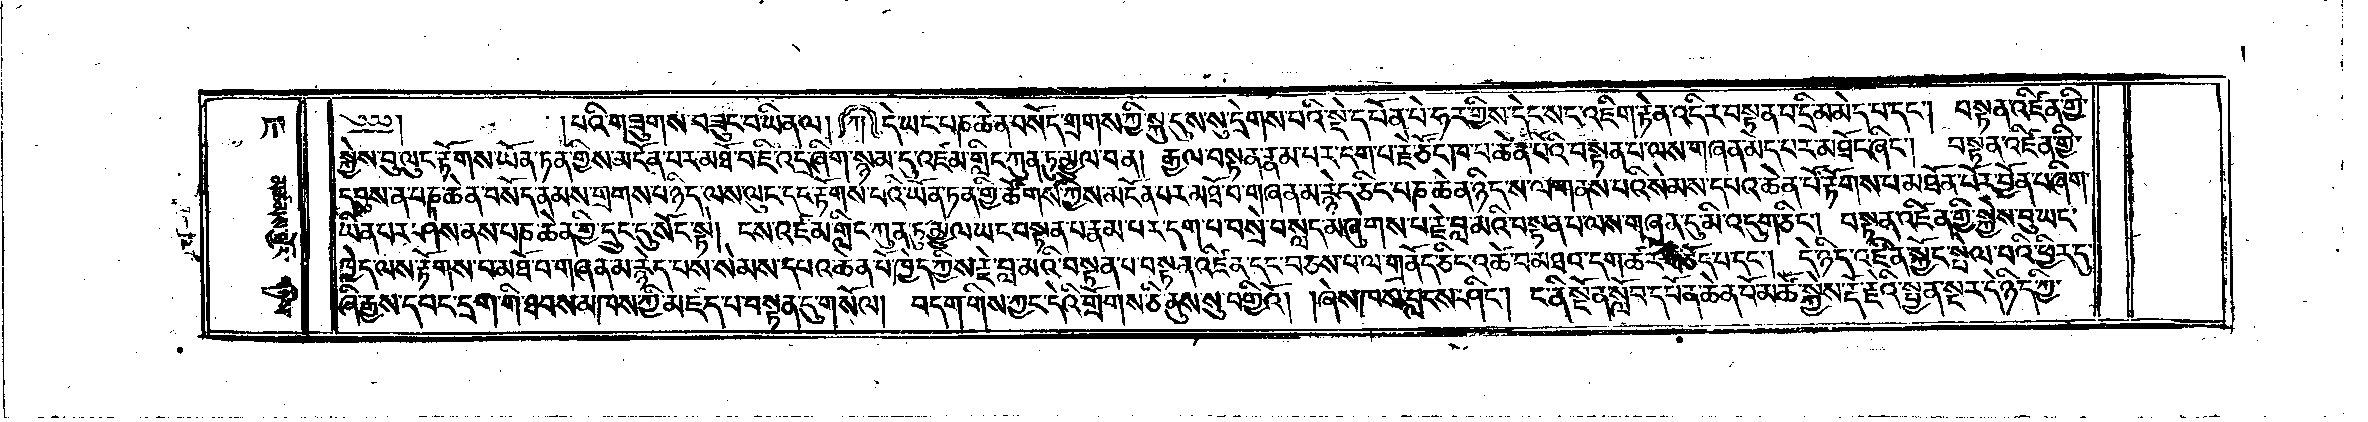༄༅༅། །པའི་གཟུགས་བཟུང་བ་ཡིན་ལ། ༼ཀ༽ དེ་ཡང་པཎ་ཆེན་བསོད་གྲགས་ཀྱི་སྐུ་དུས་སུ་དྲེགས་བའི་སྡེ་དཔོན་པེ་ཧར་གྱིས་དེང་སང་འཇིག་རྟེན་འདིར་བསྟན་པ་དྲི་མ་མེད་པ་དང་། བསྟན་འཛིན་གྱི་
སྐྱེས་བུ་ལུང་རྟོགས་ཡོན་ཏན་གྱིས་མངོན་པར་མཐོ་བ་ཇི་འདྲ་ཞིག་སྙམ་དུ་འཛམ་གླིང་ཀུན་ཏུ་མྱལ་བ་ན། རྒྱལ་བསྟན་རྣམ་པར་དག་པ་རྗེ་ཙོང་ཁ་པ་ཆེན་པོའི་བསྟན་པ་ལས་གཞན་མེད་པར་མཐོང་ཞིང་། བསྟན་འཛིན་གྱི་
དབུས་ན་པཎ་ཆེན་བསོད་ནམས་གྲགས་པ་ཉིད་ལས་ལུང་དང་རྟོགས་པའི་ཡོན་ཏན་གྱི་ཚོགས་ཀྱིས་མངོན་པར་མཐོ་བ་གཞན་མ་རྙེད་ཅིང་པཎ་ཆེན་ཉིད་ས་ལ་གནས་པའི་སེམས་དཔའ་ཆེན་པོ་རྟོགས་པ་མཐོན་པོར་བྱོན་པ་ཞིག་
ཡིན་པར་ཤེས་ནས་པཎ་ཆེན་གྱི་དྲུང་དུ་སོང་སྟེ། ངས་འཛམ་གླིང་ཀུན་ཏུ་མྱུལ་ཡང་བསྟན་པ་རྣམ་པར་དག་པ་བསྲེ་བསླད་མ་ཞུགས་པ་རྗེ་བླ་མའི་བསྟན་པ་ལས་གཞན་དུ་མི་འདུག་ཅིང་། བསྟན་འཛིན་གྱི་སྐྱེས་བུ་ཡང་
ཁྱེད་ལས་རྟོགས་བ་མཐོ་བ་གཞན་མ་རྙེད་པས་སེམས་དཔའ་ཆེན་པོ་ཁྱེད་ཀྱིས་རྗེ་བླ་མའི་བསྟན་པ་བསྟན་འཛིན་དང་བཅས་པ་ལ་གནོད་ཅིང་འཚེ་བ་མཐའ་དག་ཚར་གཅོད་པ་དང་། དེ་ཉིད་འཛིན་སྐྱོང་སྤེལ་བའི་ཕྱིར་དུ་
ཞི་རྒྱས་དབང་དྲག་གི་ཐབས་མཁས་ཀྱི་མཛད་པ་བསྟན་དུ་གསོལ། བདག་གིས་ཀྱང་དེའི་གྲོགས་ཅི་ནུས་སུ་བགྱིའོ། །ཞེས་ཁ་བླངས་ཤིང་། ང་ནི་སྔོན་སློབ་དཔོན་ཆེན་པོ་མཚོ་སྐྱེས་རྡོ་རྗེའི་སྤྱན་སྔར་དེ་ཉིད་ཀྱི་